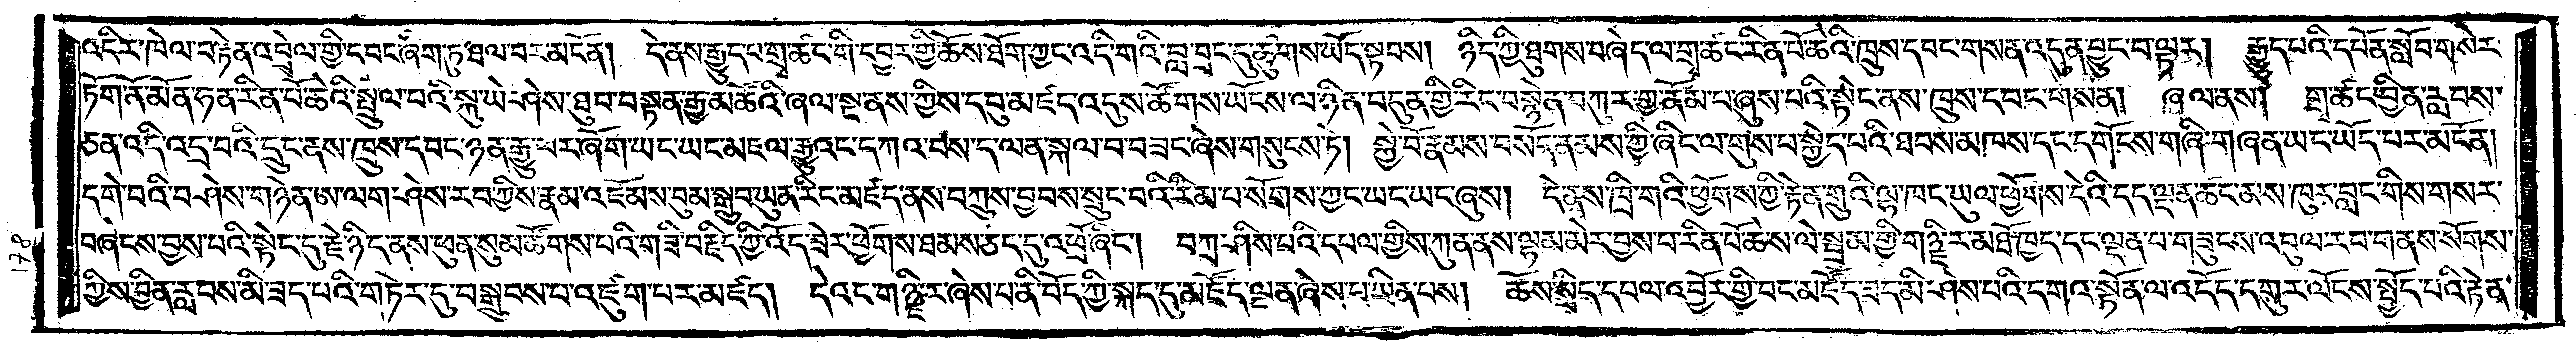འདིར་ཁེལ་བརྟེན་འབྲེལ་གྱི་དབང་ཞིག་ཏུ་ཐལ་བར་མངོན། དེ་ནས་རྒྱུད་པ་གྲྭ་ཚང་གི་དབྱར་གྱི་ཆོས་ཐོག་ཀྱང་འདི་གའི་བླ་བྲང་དུ་ཚུགས་ཡོད་སྟབས། ཉིད་ཀྱི་ཐུགས་བཞེད་ལ་གྲྭ་ཚང་རིན་པོ་ཆེའི་ཁྲུས་དབང་གསན་འདུན་བྱུང་བ་ལྟར། རྒྱུད་པའི་དཔོན་སློབ་གསེར་
ཏོག་ནོ་མོན་ཧན་རིན་པོ་ཆེའི་སྤྲུལ་བའི་སྐུ་ཡེ་ཤེས་ཐུབ་བསྟན་རྒྱ་མཚོའི་ཞལ་སྔ་ནས་ཀྱིས་དབུ་མཛད་འདུས་ཚོགས་ཡོངས་ལ་ཉིན་བདུན་གྱི་རིང་བསྙེན་བཀུར་གྱ་ནོམ་པ་ཞུས་བའི་སྟེང་ནས་ཁྲུས་དབང་གསན། ཞལ་ནས། གྲྭ་ཚང་བྱིན་རླབས་
ཅན་འདི་འདྲ་བའི་དྲུང་ནས་ཁྲུས་དབང་ཉན་རྒྱུ་ཕར་ཞོག་ཡང་ཡང་མཇལ་རྒྱུའང་དཀའ་བས་ད་ལན་སྐལ་བ་བཟང་ཞེས་གསུངས་ཏེ། སྐྱེ་བོ་རྣམས་བསོད་ནམས་ཀྱི་ཞིང་ལ་གུས་པ་སྐྱེད་པའི་ཐབས་མཁས་དང་དགོངས་གཞི་གཞན་ཡང་ཡོད་པར་མངོན།
དགེ་བའི་བཤེས་གཉེན་ཨ་ལག་ཤེས་རབ་ཀྱིས་རྣམ་འཇོམས་བུམ་སྒྲུབ་ཡུན་རིང་མཛད་ནས་བཀྲུས་བྱབས་སྲུང་བའི་རིམ་པ་སོགས་ཀྱང་ཡང་ཡང་ཞུས། དེ་ནས་ཁྲི་གའི་ཕྱོགས་ཀྱི་རྟེན་གྲུའི་ལྷ་ཁང་ཡུལ་ཕྱོགས་དེའི་དང་ལྡན་ཚང་མས་ཁུར་བླང་གིས་གསར་
བཞེངས་བྱས་པའི་སྟེང་དུ་རྗེ་ཉིད་ནས་ཕུན་སུམ་ཚོགས་པའི་གཟི་བརྗིད་ཀྱི་འོད་ཟེར་ཕྱོགས་ཐམས་ཅད་དུ་འཕྲོ་ཞིང་། བཀྲ་ཤིས་པའི་དཔལ་གྱིས་ཀུན་ནས་ལྷམ་མེར་བྱས་པ་རིན་པོ་ཆེ་ས་ལེ་སྦྲམ་གྱི་གཉྗི?་ར་མཐོ་ཁྱད་དང་ལྡན་པ་གཟུངས་འབུལ་རབ་གནས་སོགས་
ཀྱིས་བྱིན་རླབས་མི་ཟད་པའི་གཏེར་དུ་བསྒྲུབས་པ་འཛུག་པར་མཛད། དེའང་གཉིཛ་ར་ཞེས་པ་ནི་བོད་ཀྱི་སྐད་དུ་མཛོད་ལྡན་ཞེས་པ་ཡིན་པས། ཆོས་སྲིད་དཔལ་འབྱོར་གྱི་བང་མཛོད་ཟད་མི་ཤེས་པའི་དགའ་སྟོན་ལ་འདོད་དགུར་ལོངས་སྤྱོད་པའི་རྟེན་